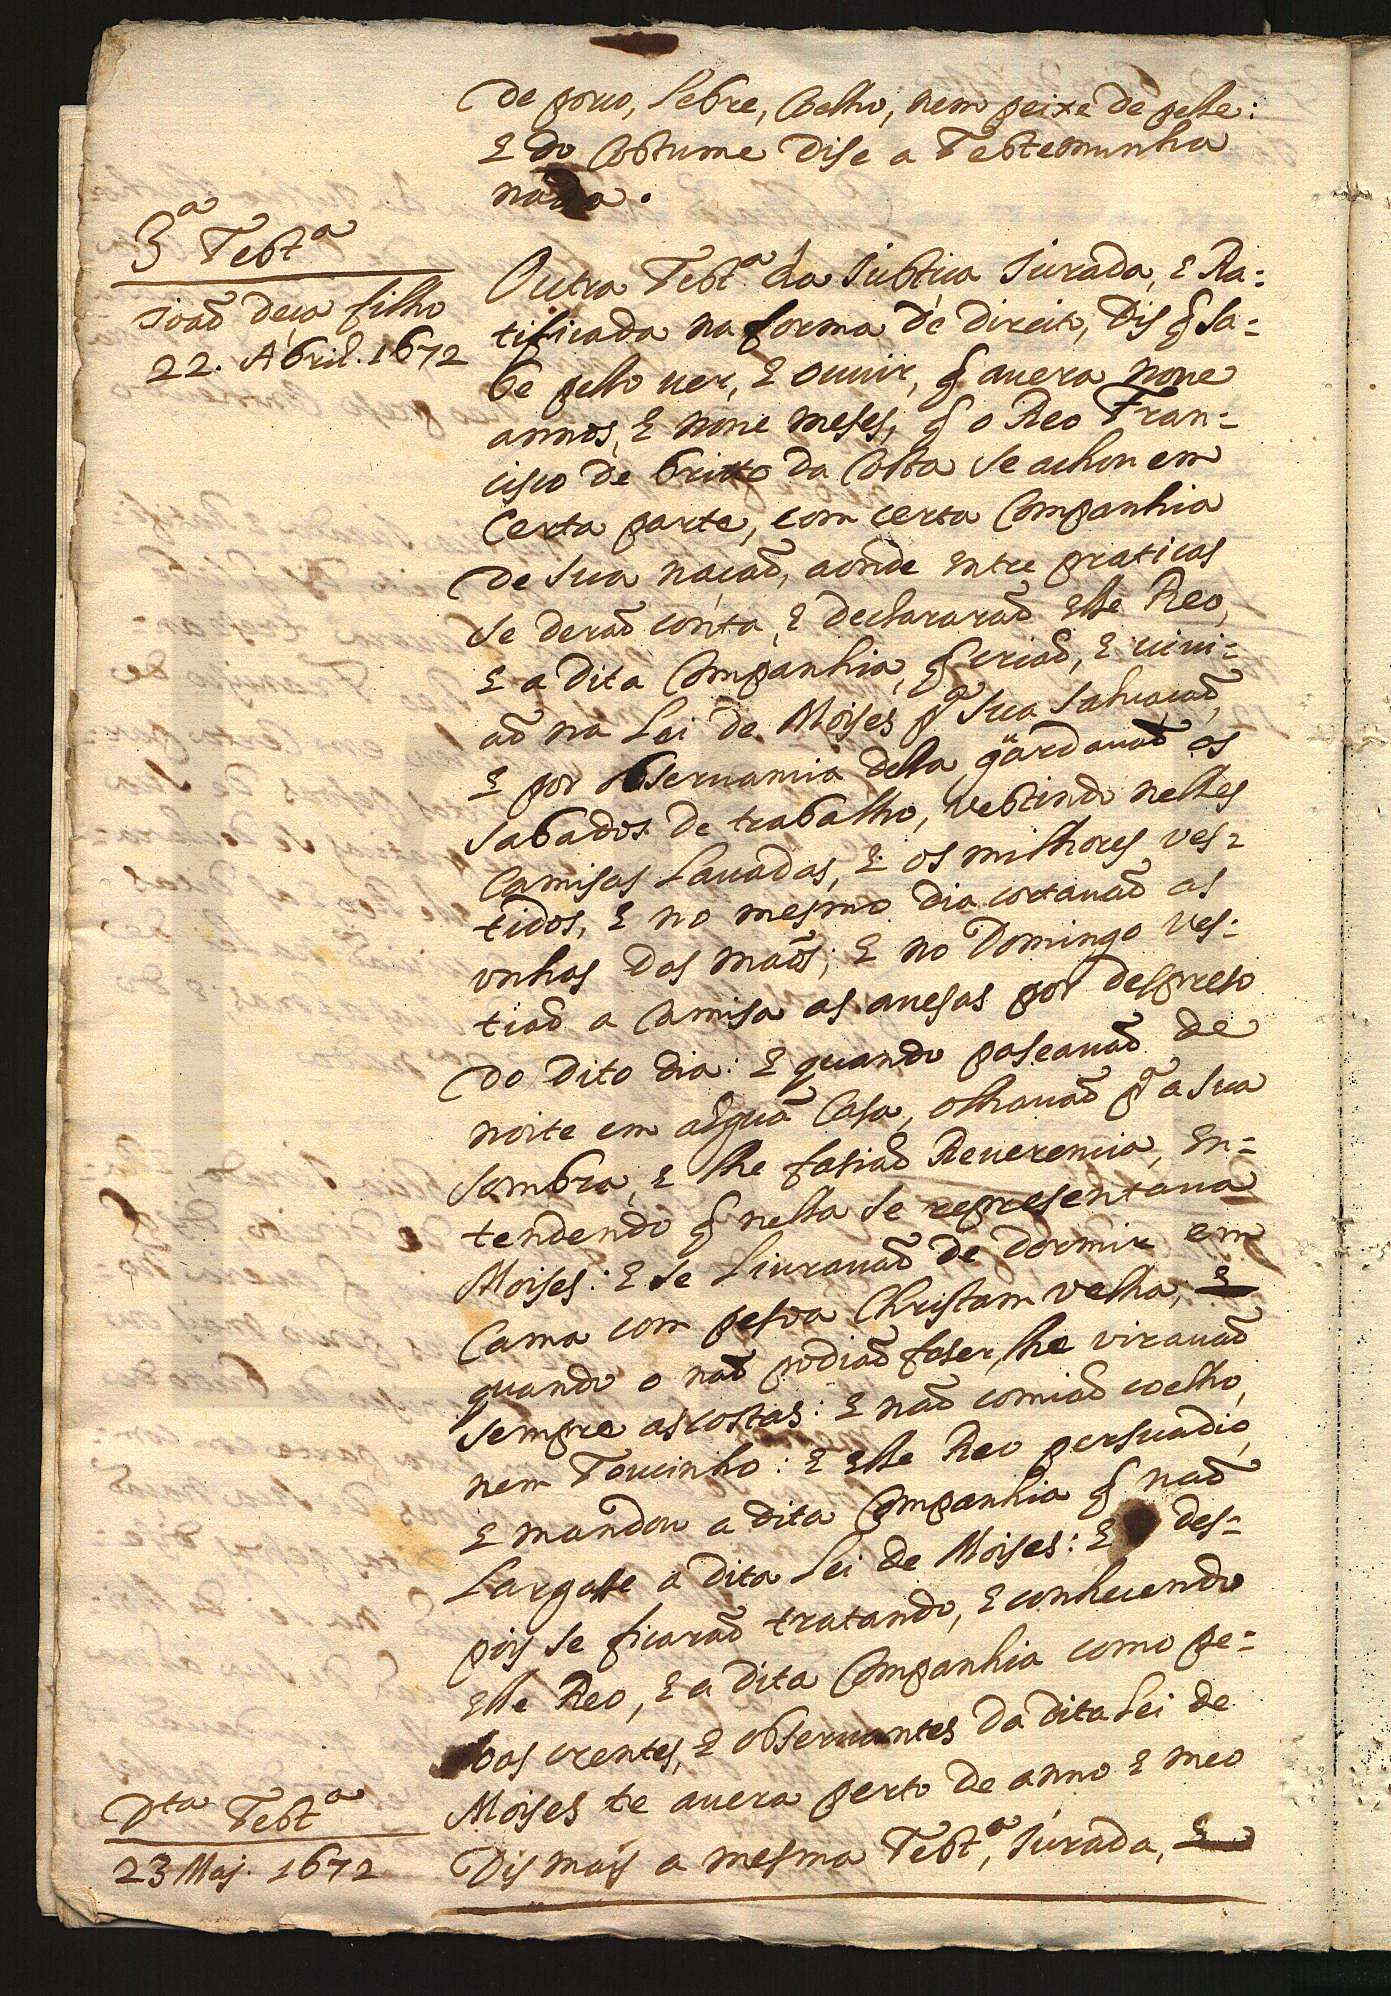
3a Testa
Ioaõ deça filho
22. Abril. 1672
Dta Testa
23 Maj. 1672
de porco, lebre, coelho, nem peixe de pelle:
E do Costume dise a Testemunha
nada.
Outra Testa da Iustiça Iurada, E Ra
tificada na forma de direito, Dis q̄ sa
be pello uer, E ouuir, q̄ auera noue
annos, E noue meses, q̄ o Reo Fran
cisco de britto da Costa se achou em
certa parte, com certa Companhia
de sua naçaõ, aonde entre praticas
se deraõ conta, E declararão Elle Reo
E a dita Companhia, q̄ criaõ, E uiui
aõ na lei de Moises pa sua saluaçaõ
E por obseruancia della guardauão os
sabados de trabalho, uestindo nelles
camisas lauadas, E os milhores ves
tidos, E no mesmo dia cortauaõ as
vnhas das mãos; E no Domingo ues
tiaõ a camisa as auesas por despreso
do dito dia: E quando paseauão de
noite em alguā Casa, olhauão pa a sua
sombra, E lhe fasiaõ Reuerencia, En
tendendo q̄ nella se representaua
Moises. E se liurauão de dormir em
Cama com pesoa Christam velha, E
quando o naõ podiaõ fazer lhe virauão
sempre as costas: E naõ comião coelho,
nem Toucinho: E Elle Reo persuadio,
E mandou a dita Companhia q̄ não
largasse a dita lei de Moises: E des
pois se ficaraõ tratando, e conhecendo
Elle Reo, E a dita Companhia como pe
soas crentes, E obseruantes da dita lei de
Moises te auera perto de anno E meo
Dis mais a mesma Testa, Iurada, E
